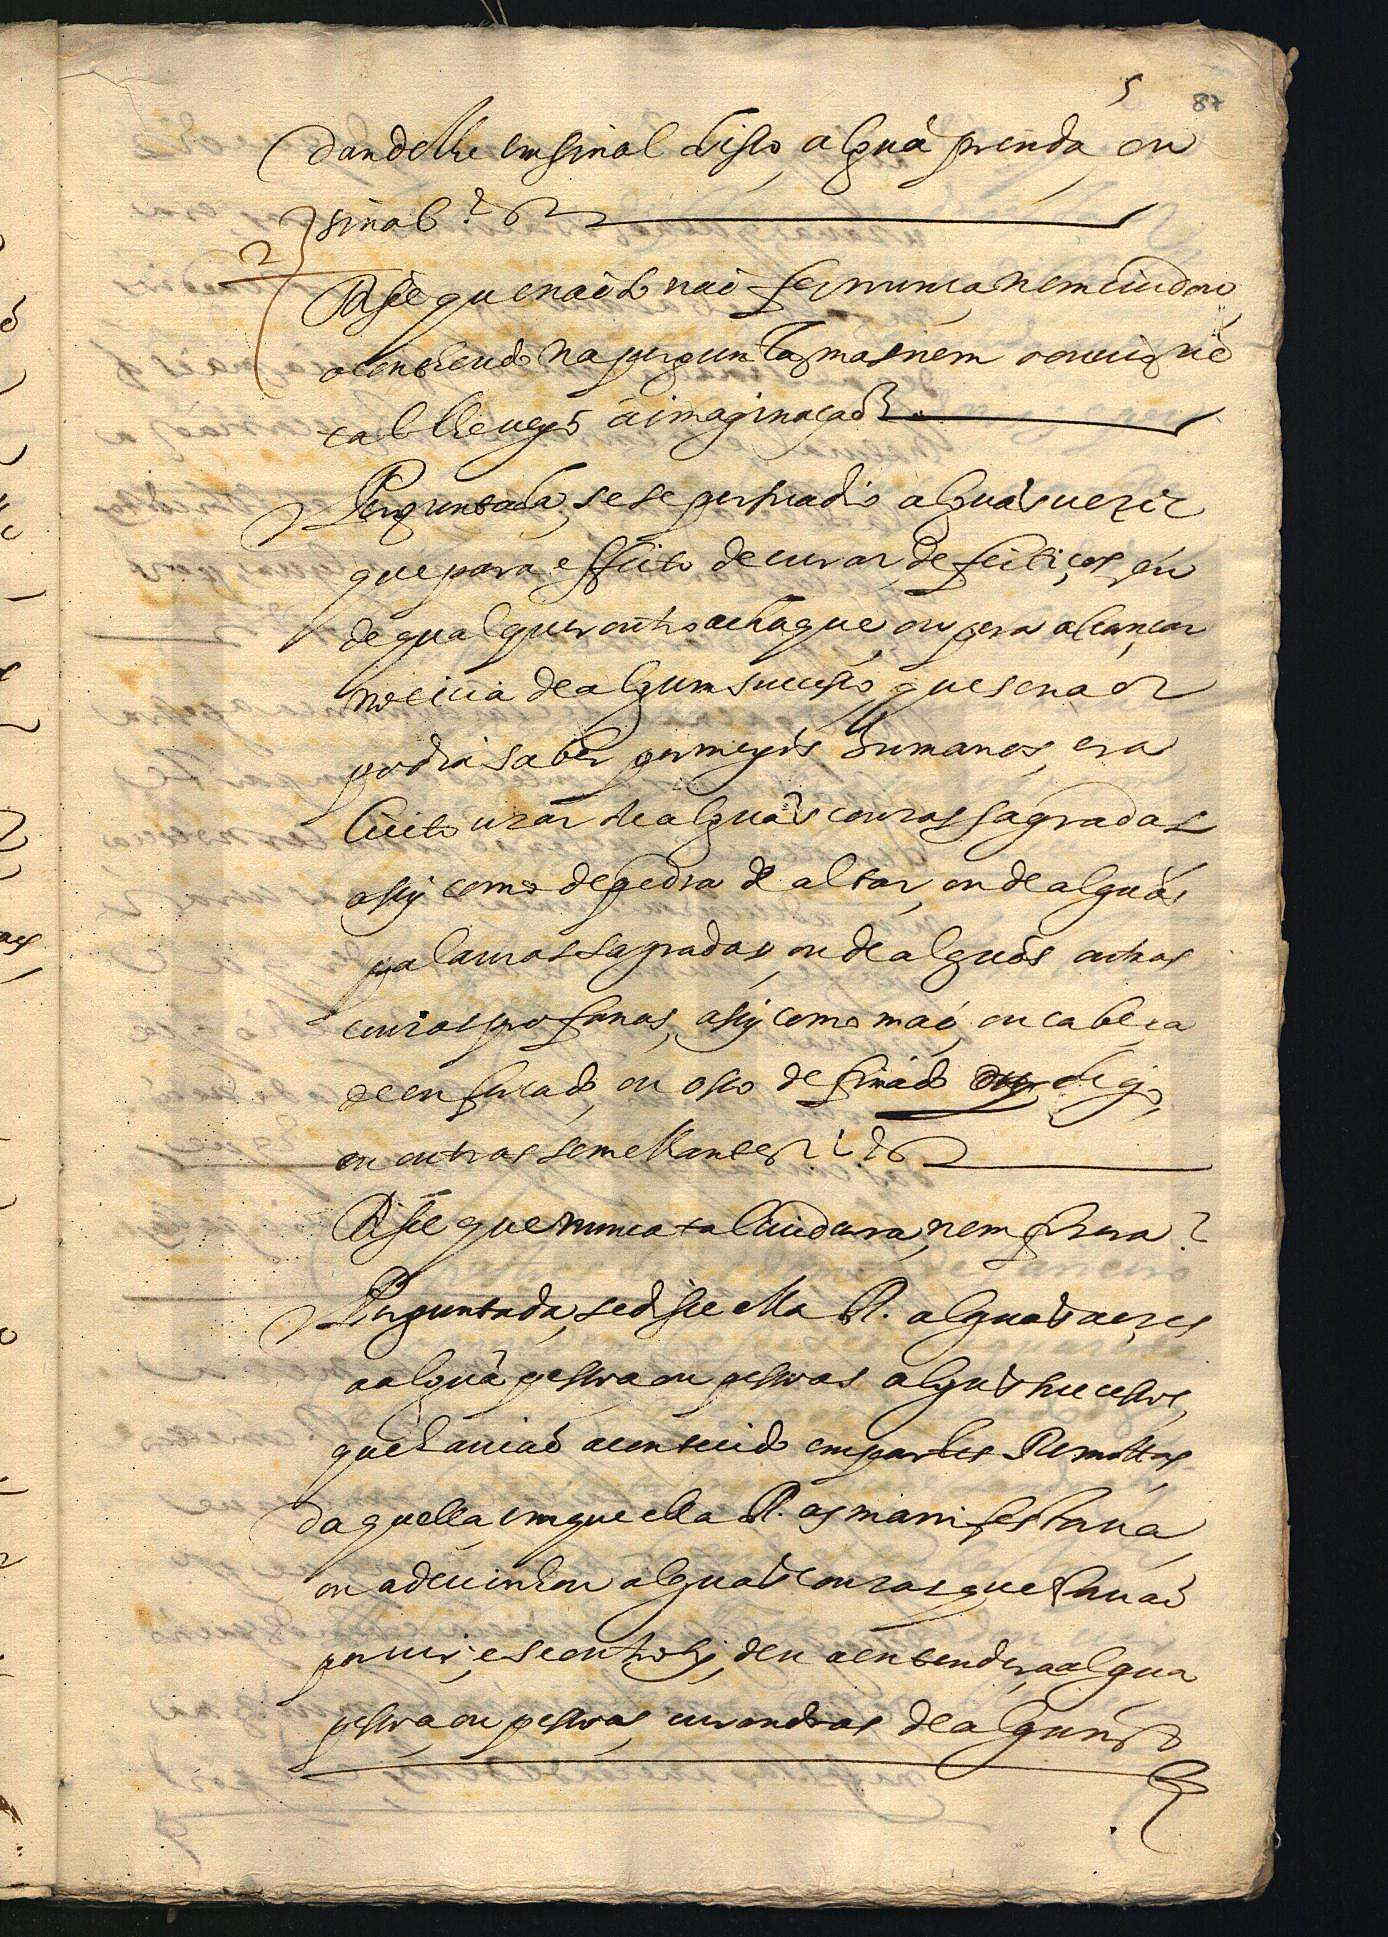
dandolhe em sinal disso, alguā prenda, ou
sinal?
Disse que naõ so naõ fez nunca nem cuidou
o contheudo na pergunta, mas nem o ouuio, nē
tal lhe ueyo a imaginaçaõ
Perguntada, se se persuadio alguas̄ uezes
que para effeito de curar de feitiços, ou
de qualquer outro achaque ou pera alcançar
noticia de algum successo, que se naõ
podia saber por meyos humanos, era
licito uzar de alguas̄ couzas sagradas
assy como de pedra de altar, ou de alguās
palauras sagradas, ou de alguas̄ outras
couzas profanas, assy como maõ, ou cabeça
de enforcado, ou osso de finado ou digo,
ou outras semelhantes?
Disse que nunca tal cuidara, nem fizera?
Perguntada, se disse ella R. alguas̄ uezes
a alguā pessoa ou pessoas algus̄ sucessos
que hauiaõ acontecido em partes Remottas
daquella em que ella R. as manifestaua
ou adeuinhou alguas̄ couzas que estauaõ
por uir, e se outrosy, deu a entender, a algua
pessoa, ou pessoas, curandoas de alguns
